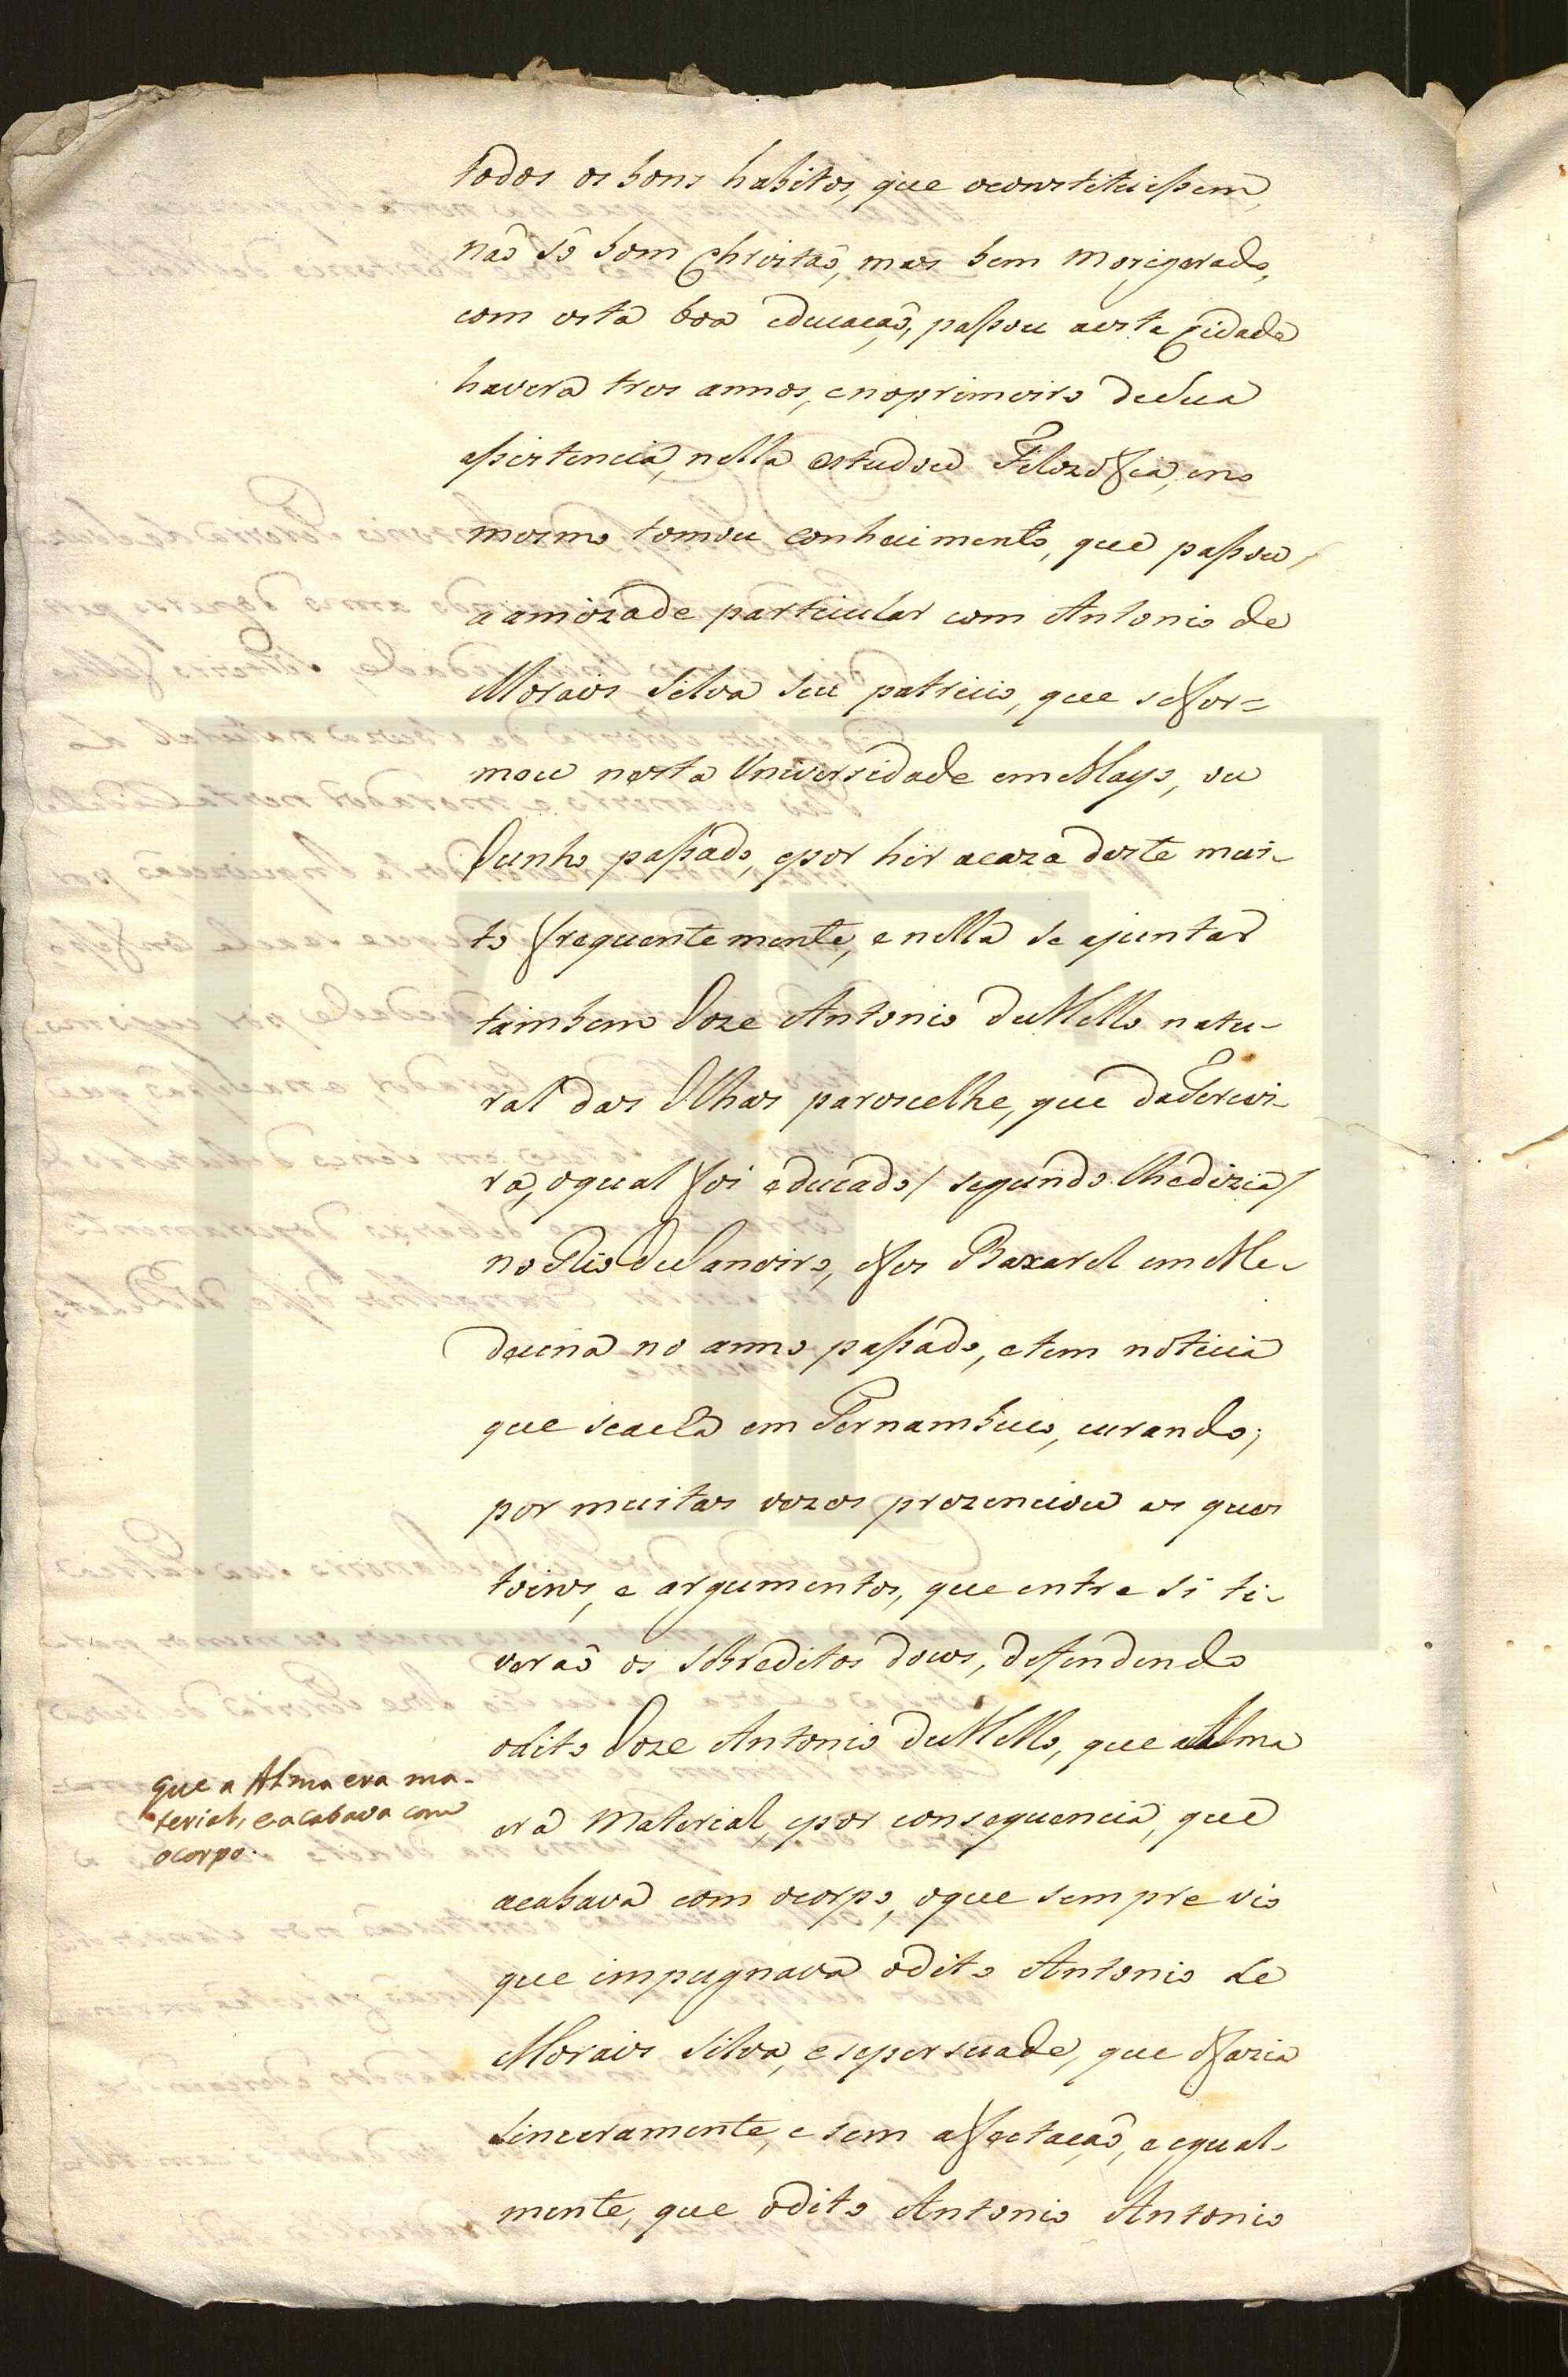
que a Alma era ma
terial, e acabava com
o corpo.
todos os bons habitos, que o constituissem,
naõ só bom Christaõ mas bem morigerado,
com esta boa educaçaõ, passou a esta Cidade
havera tres annos, e no primeiro de Sua
assistencia, nella estudou Filozofia, e no
mesmo tomou conhecimento, que passou
a amizade particular com Antonio de
Morais Silva seu patricio, que se for
mou nesta Universidade em Mayo, ou
Iunho paSsado, e por hir a caza deste mui
to frequentemente, e nella se ajuntar
tambem Ioze Antonio de Mello natu
ral das Ilhas parescelhe, que da Tercei
ra, o qual foi educado/ segundo lhe dizia/
no Rio de Ianeiro, e fes Baxarel em Me
decina no anno paSsado, e tem noticia
que se acha em Pernambuco, curando;
por muitas vezes prezenciou as ques
toins, e argumentos, que entre si ti
veraõ os sobreditos dous, defendendo
o dito Ioze Antonio de Mello, que a Alma
era material, e por consequencia, que
acabava com o corpo, o que sempre vio
que impugnava o dito Antonio de
Morais Silva, e sepersuade, que o fazia
sinceramente, e sem afectaçaõ, e egual
mente, que o dito Antonio Antonio
